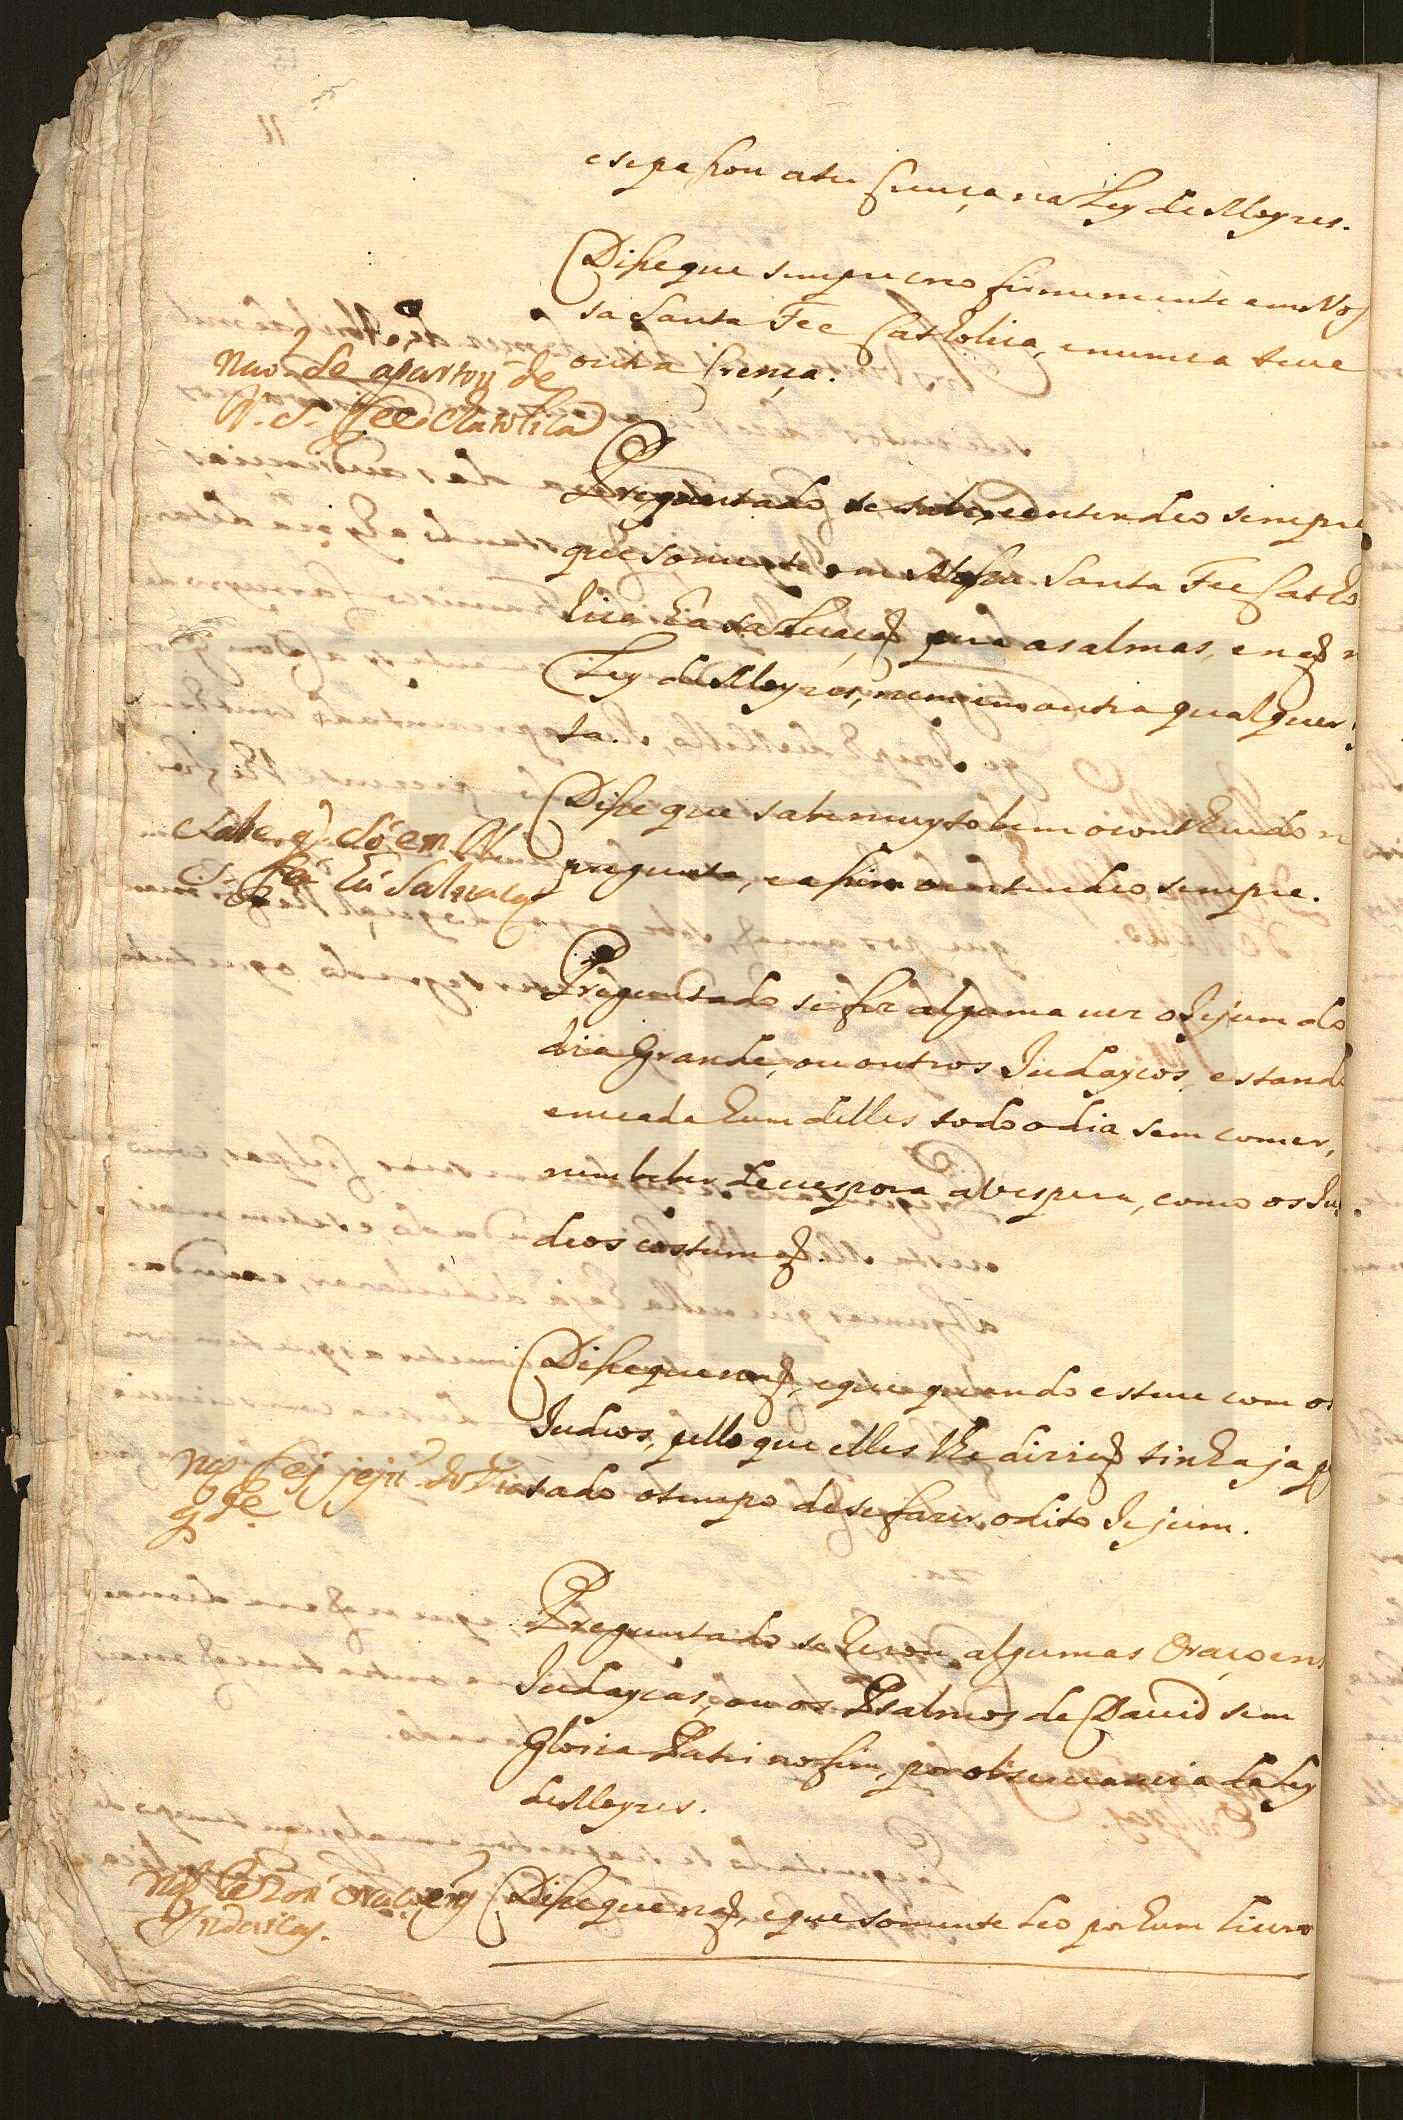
e se passou a ter Crença na Ley de Moyzes.
Disse que sempre creo firmemente em Nos
sa Santa Fee Catholica, e numca teue
outra Crença.
naõ se apartou de
N. S. fee chatolica
Preguntado se sabe, e entendeo sempre
que somente em Nossa Santa Fee Catho
lica ha saluaçaõ pera as almas, e naõ n
Ley de Moyzes, nem em outra qualquer
ta.
Disse que sabe muyto bem o contheudo n
sabe q̄ só em N.
pregunta, e assim o entendeo sempre.
S. feé há Saluaçaõ
Preguntado se fez alguma uez o Iejum do
dia Grande, ou outros Iudaycos, estando
em cada hum delles todo o dia sem comer,
nem beber de uespora a vespera, como os Iu
deos costumaõ.
Disse que naõ, e que quando esteue com os
Iudeos, pello que elles lhe diziaõ tinha ja
naõ fes jejū do Dia
sado o tempo de se fazer o dito Iejum.
gd.e
Preguntado se Rezou algumas Oraçoens
Iudaycas, ou os Psalmos de Dauid sem
Gloria Patri no fim, por obseruancia da Ley
de Moyzes.
naõ Rezou oraçoẽns
Disse que naõ, e que somente leo por hum liuro
Judaicas.
